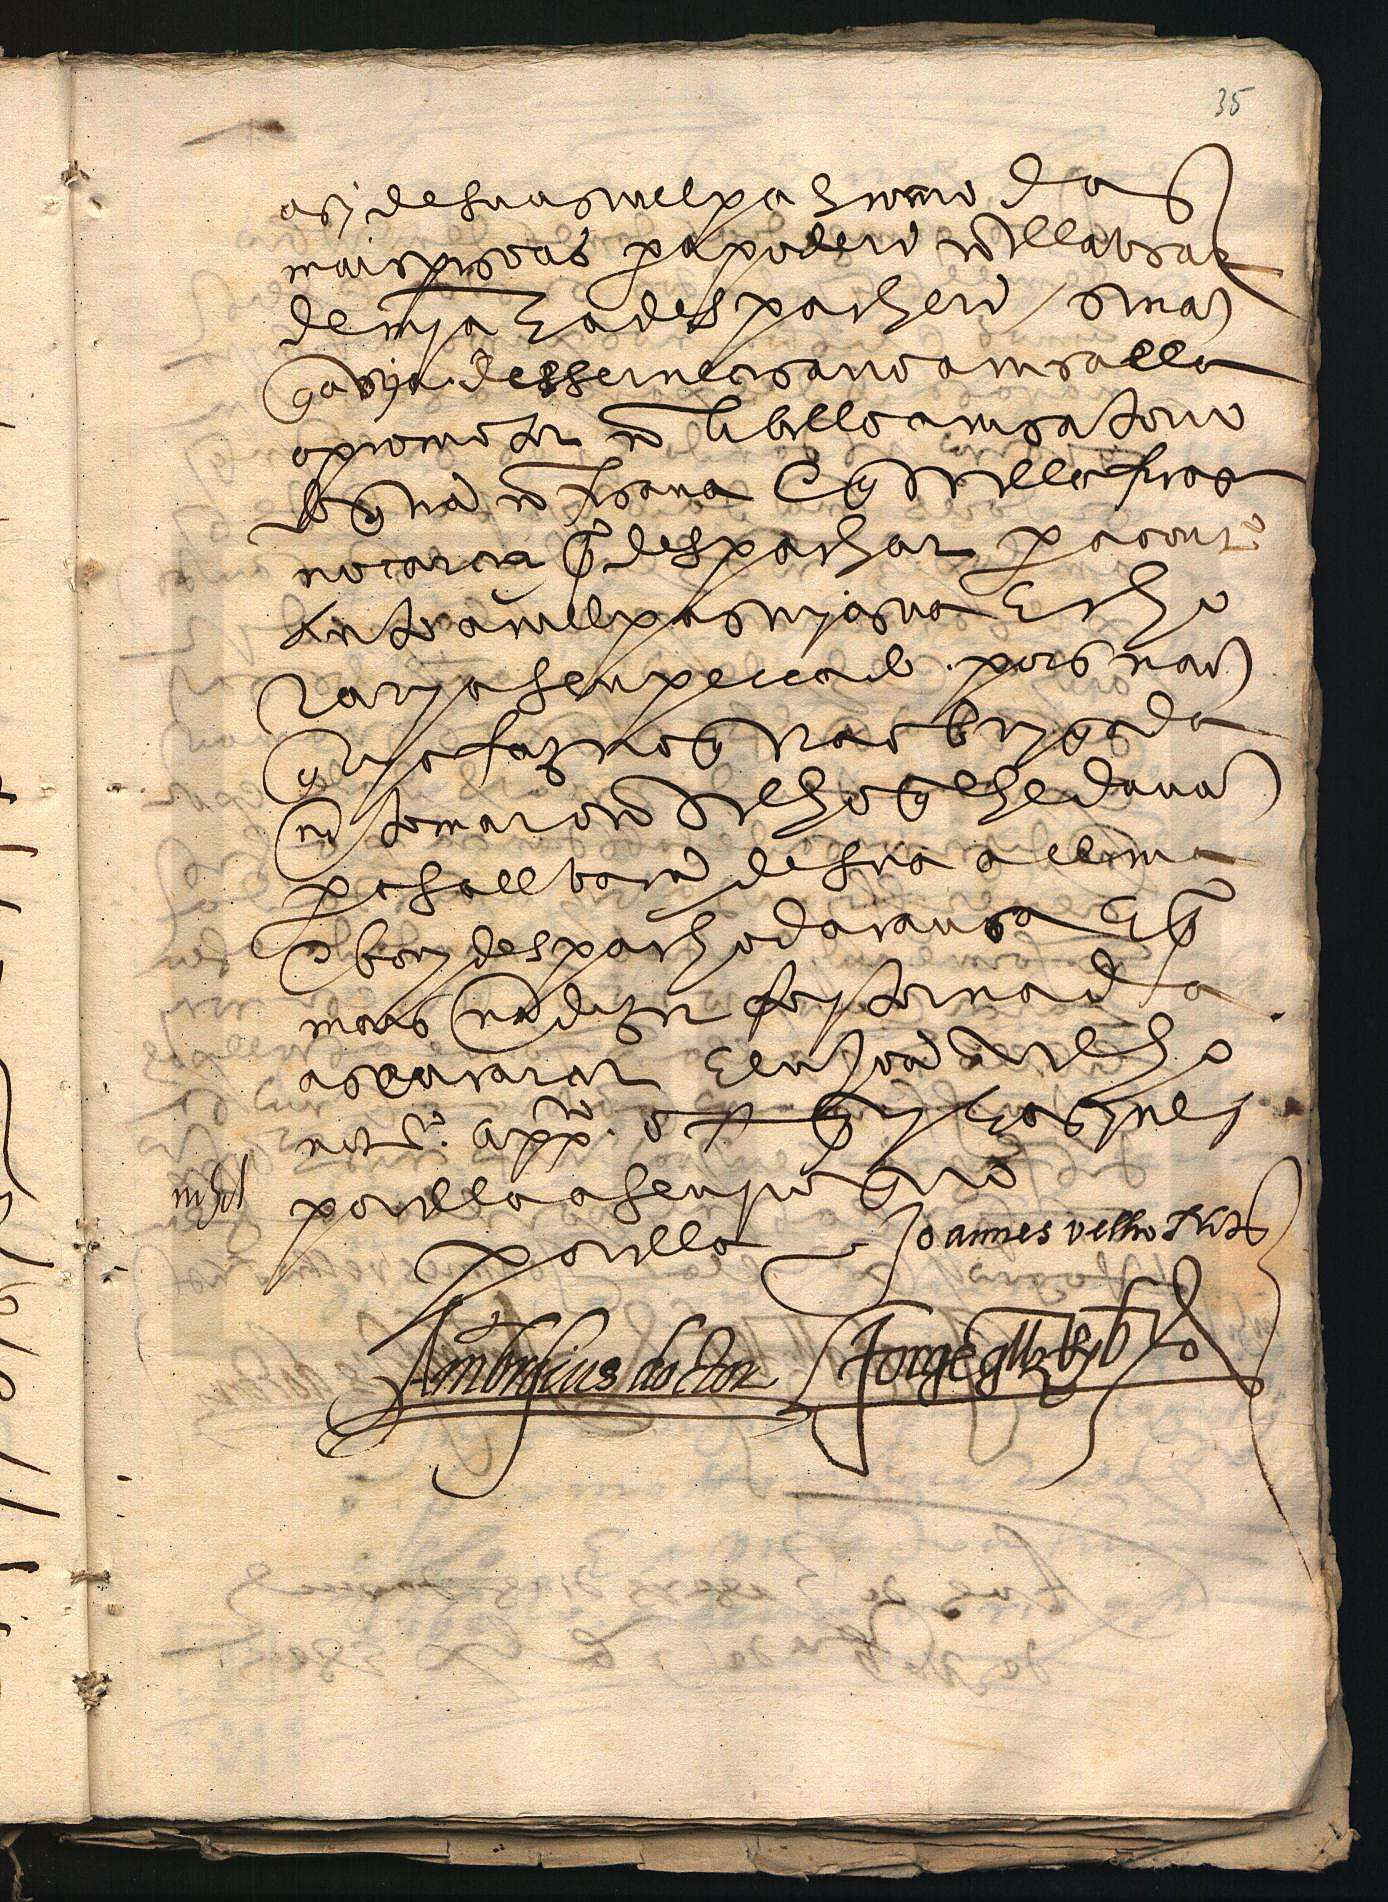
asj de suas cullpas como das
mais pesoas ꝑa poderē cō ella vsar
de m̄ja E a despacherē / senā
q̄ avya de sser necesario acusalla
o promotor cō libello acusatorio
do q̄ nā cōfesaua e q̄ se ella ficase
no carcere p̄o despachar ꝑa o outo
auto a cullpa serja sua E cho
rarja seu peccado pois naõ
qrja fazer o q̄ era obrjgada
nē tomar o cōselho q̄ lhe dauā
ꝑa sallvaçā de sua allma
e bom despacho da causa E p̄o
mais nā dizer foj tornada
a seu carcer E eu Joaõ Velho
notro appco. o stp̄yj E asjnej
por ella a seu roguo
nihil
Joannes velho Notro
por ella
Jorge ḡllz Rybro
Ambrosius doctor
